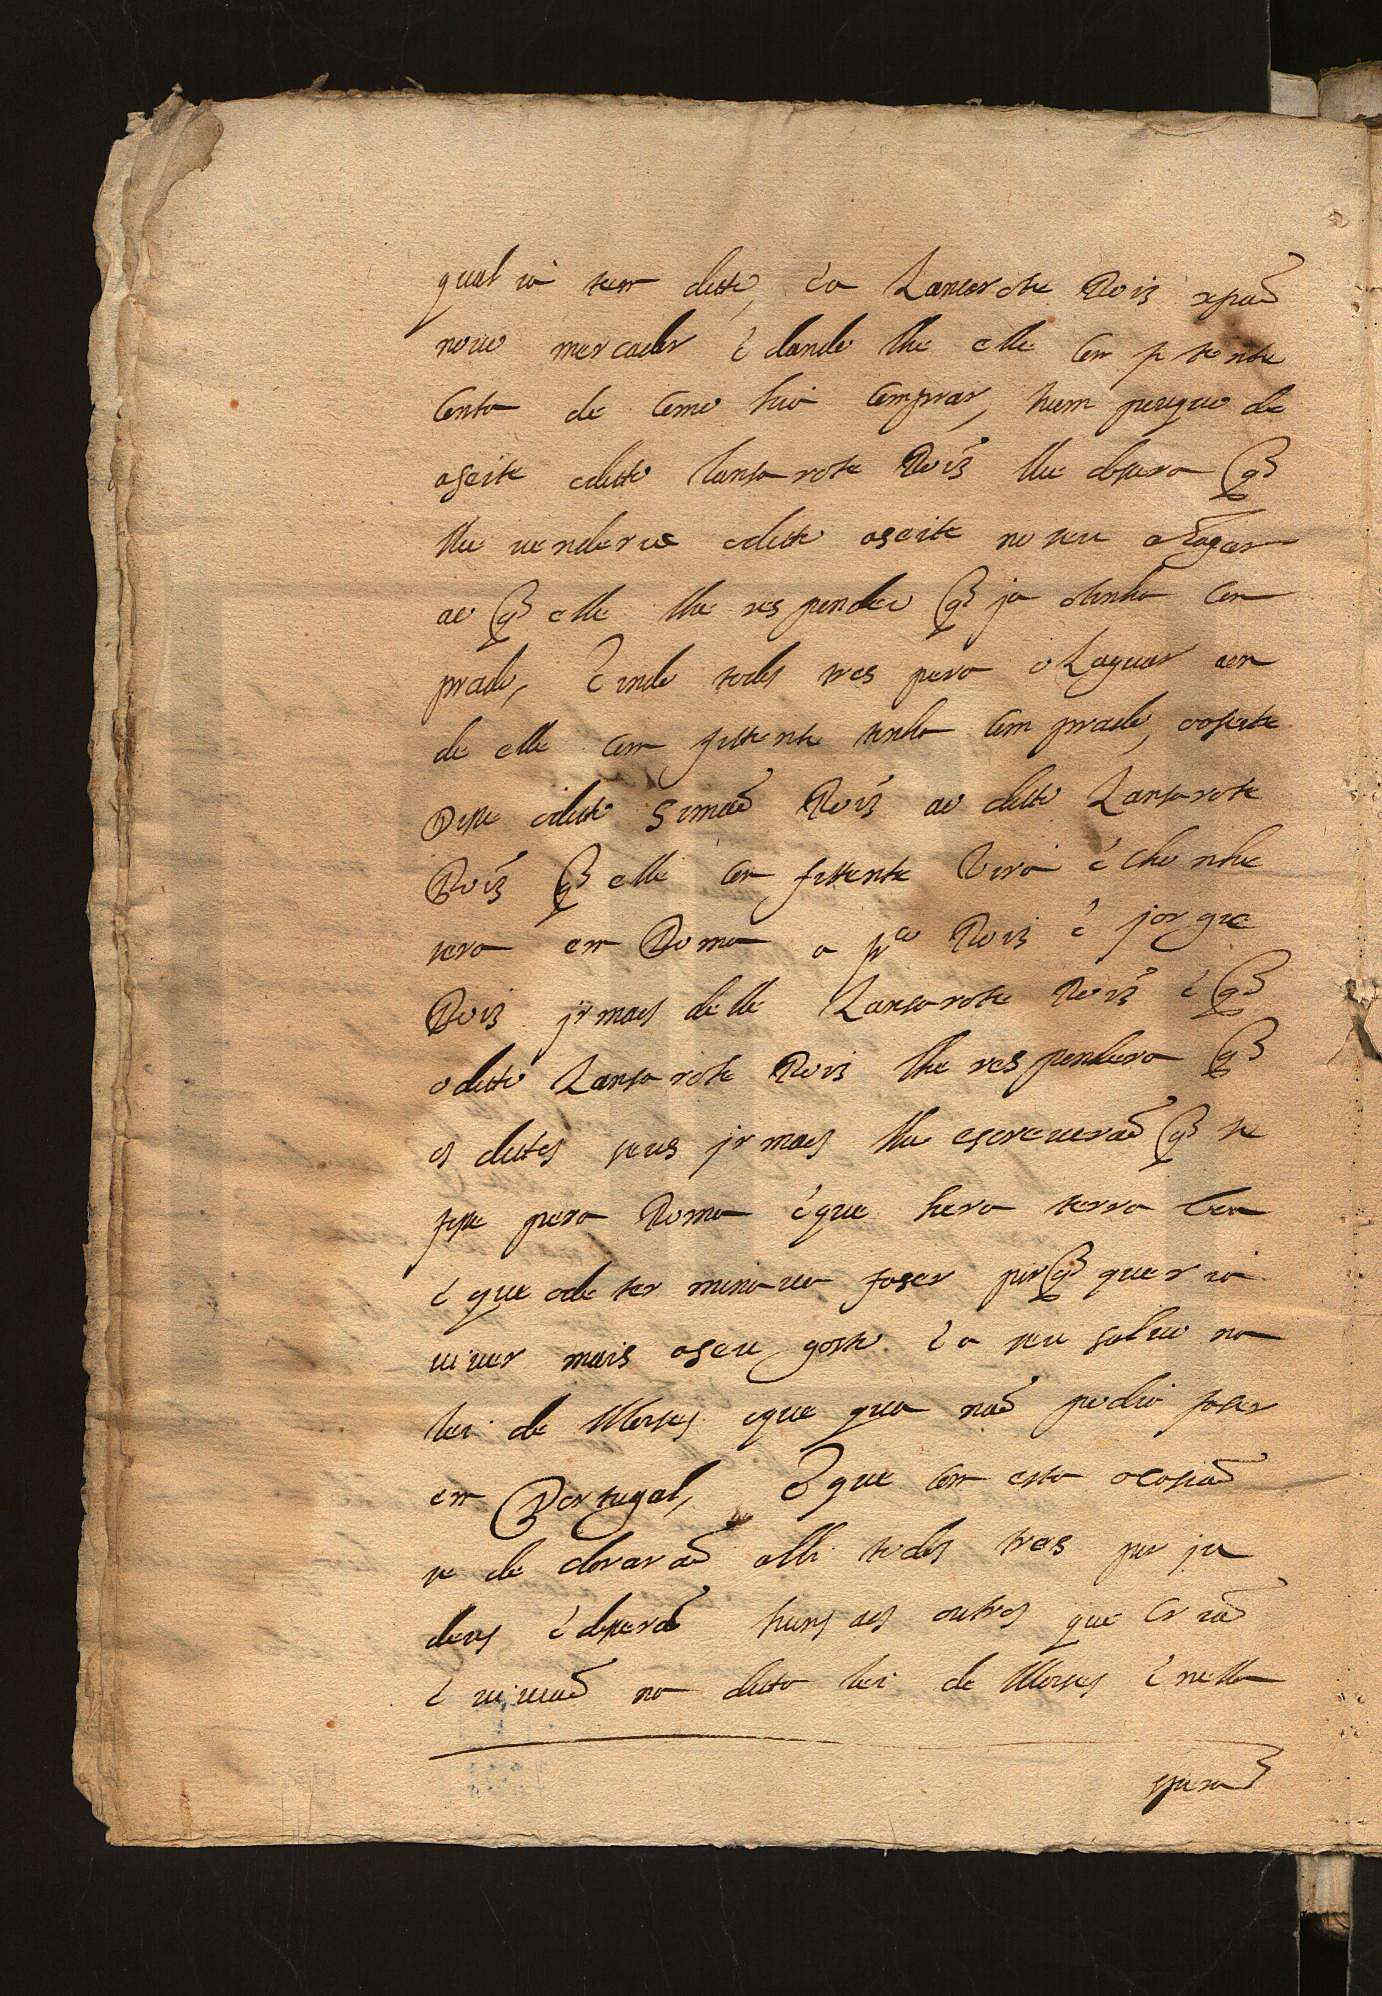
qual ia tem ditto do Lançarote Roiz xpaõ
nouo mercador e dando lhe elle Confitente
Conta de como hia comprar, hum pouquo de
aseite o ditto lansarote Roiz̄ lhe dissera q̄
lhe uenderia o ditto aseite no seu alagar
ao q̄ elle lhe respondeo q̄ ja o tinha con
prado, e indo todos tres pera o Laguar aon
de elle comfittente tinha comprado, o aseite
Disse o ditto Simão Roiz̄ ao ditto Lansarote
Roiz̄ q̄ elle confittente vira e chonhe
sera em Roma a frco Roiz e jorgie
Roiz jrmaos delle Lansarote Roiz̄ e q̄
o ditto Lansarote Roiz lhe respondera q̄
os dittos seus jrmaos lhe escreueraõ q̄ se
fosse pera Roma e que hera terra boa
e que o determinaua faser porq̄ queria
uiuer mais a seu gosto e a seu saluo na
lei de Moises o que qua não podia faser
em Portugal, e que com esta ocasiaõ
se declararão alli todos tres por ju
deus e disserão huns aos outros que crião
e uiuiaõ na ditta lei de Moises e nella
spera
